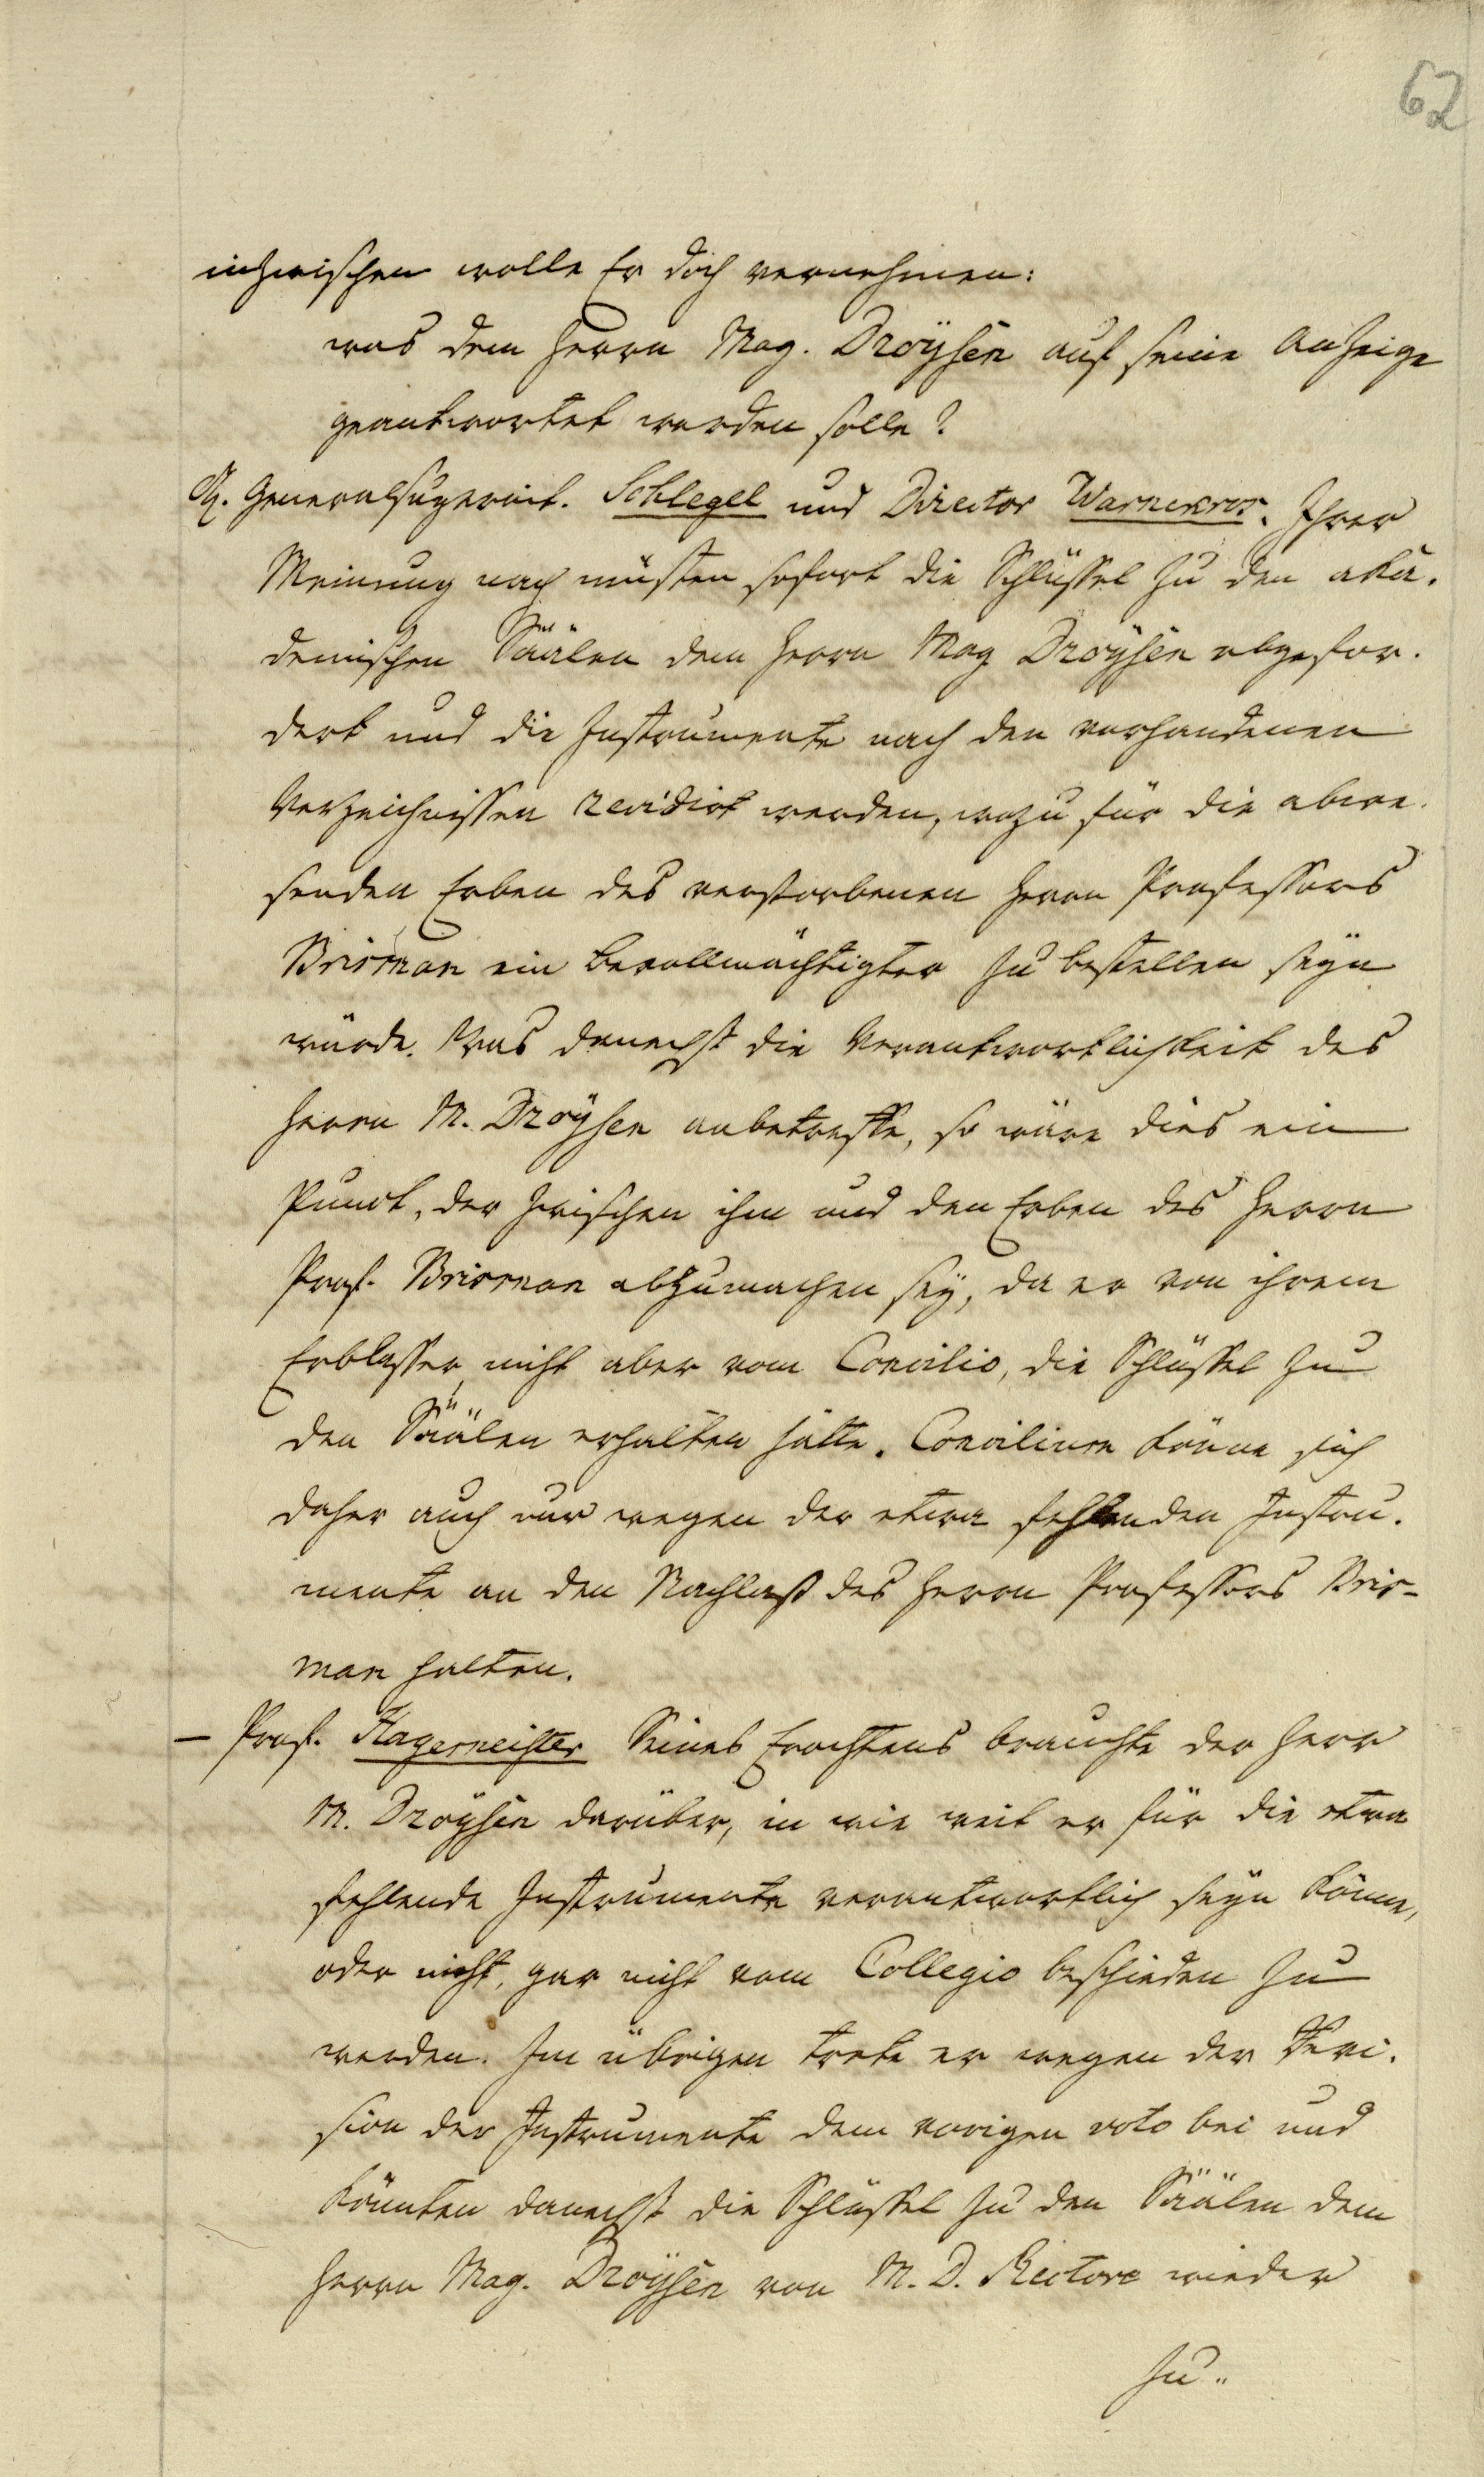inzwischen wolle Er doch vernehmen:
was dem Herrn Mag. Droÿsen auf seine Anzeige
geantwortet werden solle?
dh. Generalsuperint. Schlegel und Director Warnekros. Ihrer
Meinung nach müßten sofort die Schlüssel zu den aka¬
demischen Saälen dem Herrn Mag. Droÿsen abgefor¬
dert und die Instrumente nach den vorhandenen
Verzeichnissen revidirt werden, wozu für die abwe¬
senden Erben des verstorbenen Herrn Professors
Brisman ein Bevollmächtigter zu bestellen seÿn
würde. Was danechst die Verantwortlichkeit des
Herrn M. Droÿsen anbetreffe, so wäre dies ein
Punct, der zwischen ihm und den Erben des Herrn
Prof. Brisman abzumachen seÿ, da er von ihrem
Erblasser nicht aber vom Concilio, die Schlüssel zu
den Säälen erhalten hätte. Concilium könne sich
daher auch nur wegen der etwa fehlenden Instru¬
mente an den Nachlaß des Herrn Professors Bris¬
man halten.
Prof. Hagemeister Seines Erachtens brauchte der Herr
M. Droÿsen darüber, in wie weit er für die etwa
fehlende Instrumente vernntwürtlich seÿn könne,
oder nicht, gar nicht vom Collegio beschieden zu
werden. Im übrigen trete er wegen der Revi¬
sion der Instrumente dem vorigen voto bei und
könnten danechst die Schlüssel zu den Säälen dem
Herrn Mag. Droÿsen von M. D. Rectore wieder
zu¬